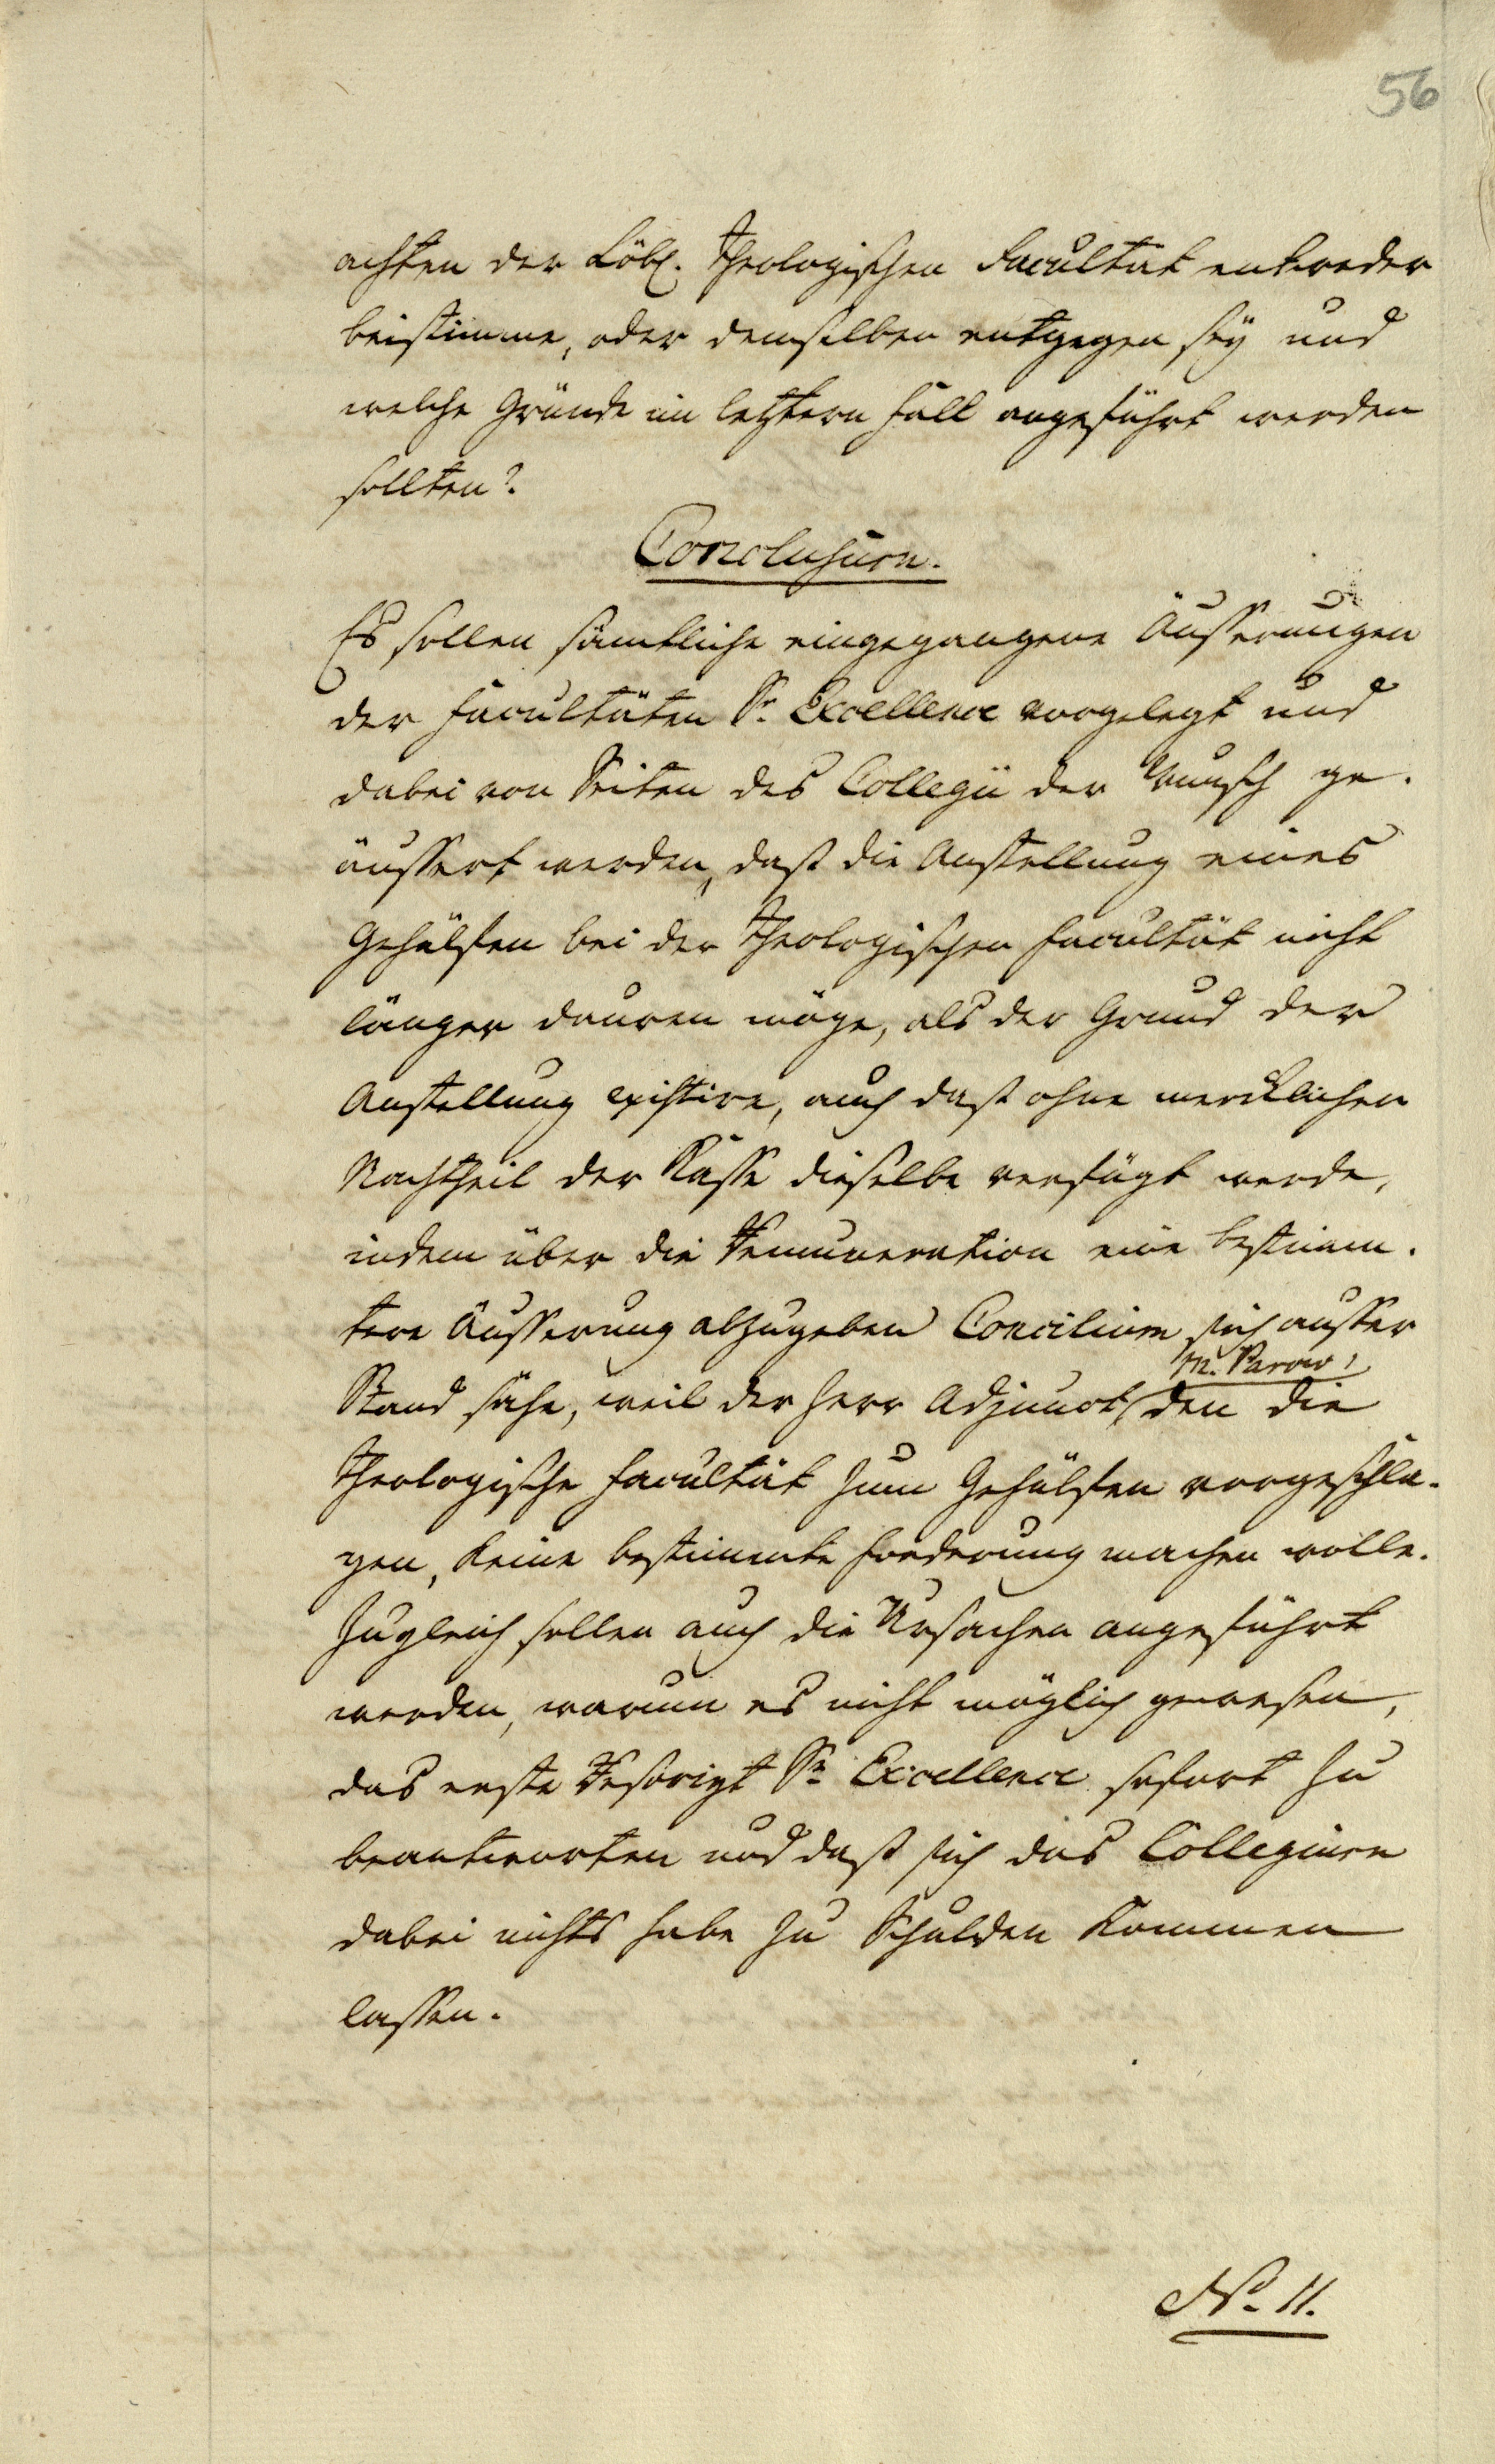achten der Löbl. Theologischen Facultät entweder
beistimme, oder demselben entgegen seÿ und
welche Gründe im letztern Fall angeführt werden
sollten?
Conclusum.
Es sollen sämtliche eingegangene Äusserungen
der Facultäten Sr Excellence vorgelegt und
dabei von Seiten des Collegii der Wunsch ge¬
äussert werden, daß die Anstellung eines
Gehülfen bei der Theologischen Facultät nicht
länger dauren möge, als der Grund der
Anstellung existire, auch daß ohne mercklichen
Nachtheil der Kasse dieselbe verfüget werde,
indem über die Remuneration eine bestimm¬
tere Äusserung abzugeben Concilium sich ausser
M. Parow
Stand sähe, weil der Herr Adjunct den die
Theologische Facultät zum Gehülfen vorgeschla¬
gen, keine bestimmte Forderung machen wolle.
Zugleich sollen auch die Ursachen angeführt
werden, warum es nicht möglich gewesen,
das erste Rescripts Sr Excellence sofort zu
beantworten und daß sich das Collegium
dabei nichts habe zu Schulden kommen
lassen.
No 11.